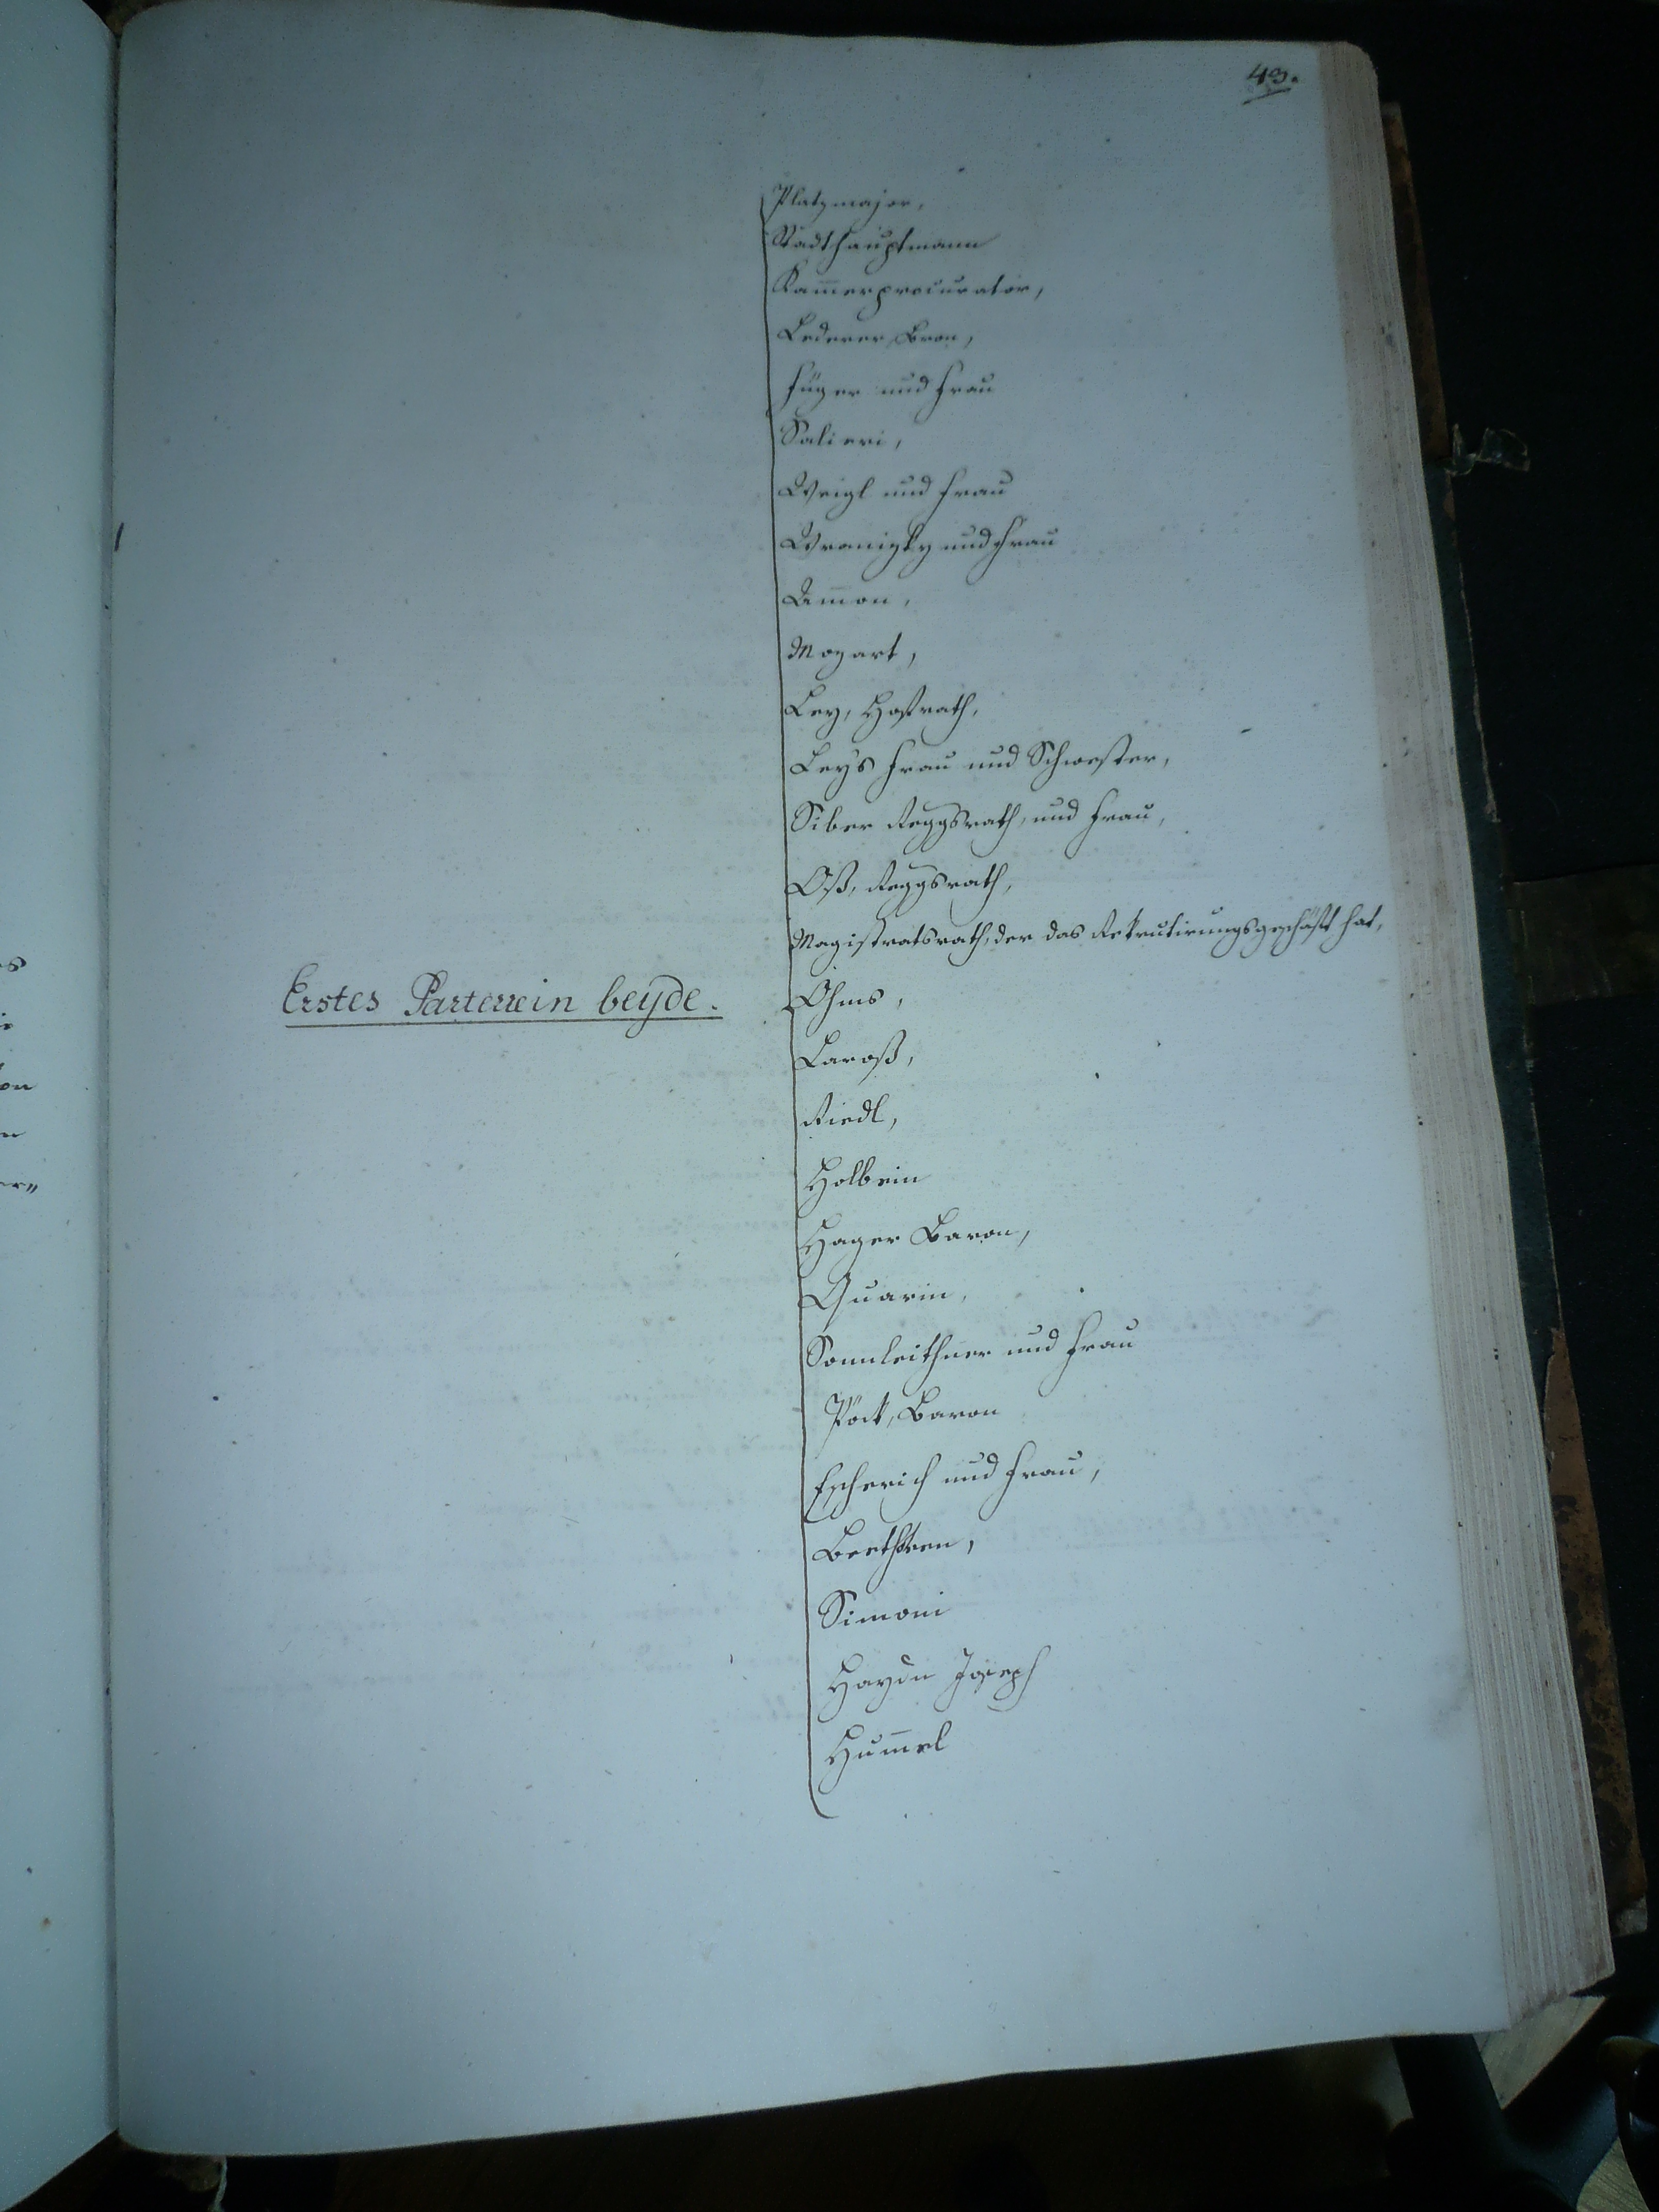43.
Erstes Parterre in beyde.
Platzmajor,
Stadthauptmann
Kam̅erprocurator,
Lederer Aron,
Füger und Frau
Salieri,
Weigl und Frau
Wranizky und Frau
Amon,
Mozart,
Ley, Hofrath,
Ley‘s Frau und Schwester,
Siber Reg͞gsrath, und Frau,
Oß, Reg͞gsrath,
Magistratsrath, der das Rekrutirungsgeschäft hat,
Ohms,
Laroß,
Riedl,
Holbein
Hager Baron,
Quarin,
Sonnleithner und Frau
Pöck, Baron
Escherich und Frau,
Beethoven,
Simoni
Haydn Joseph
Hum̅el